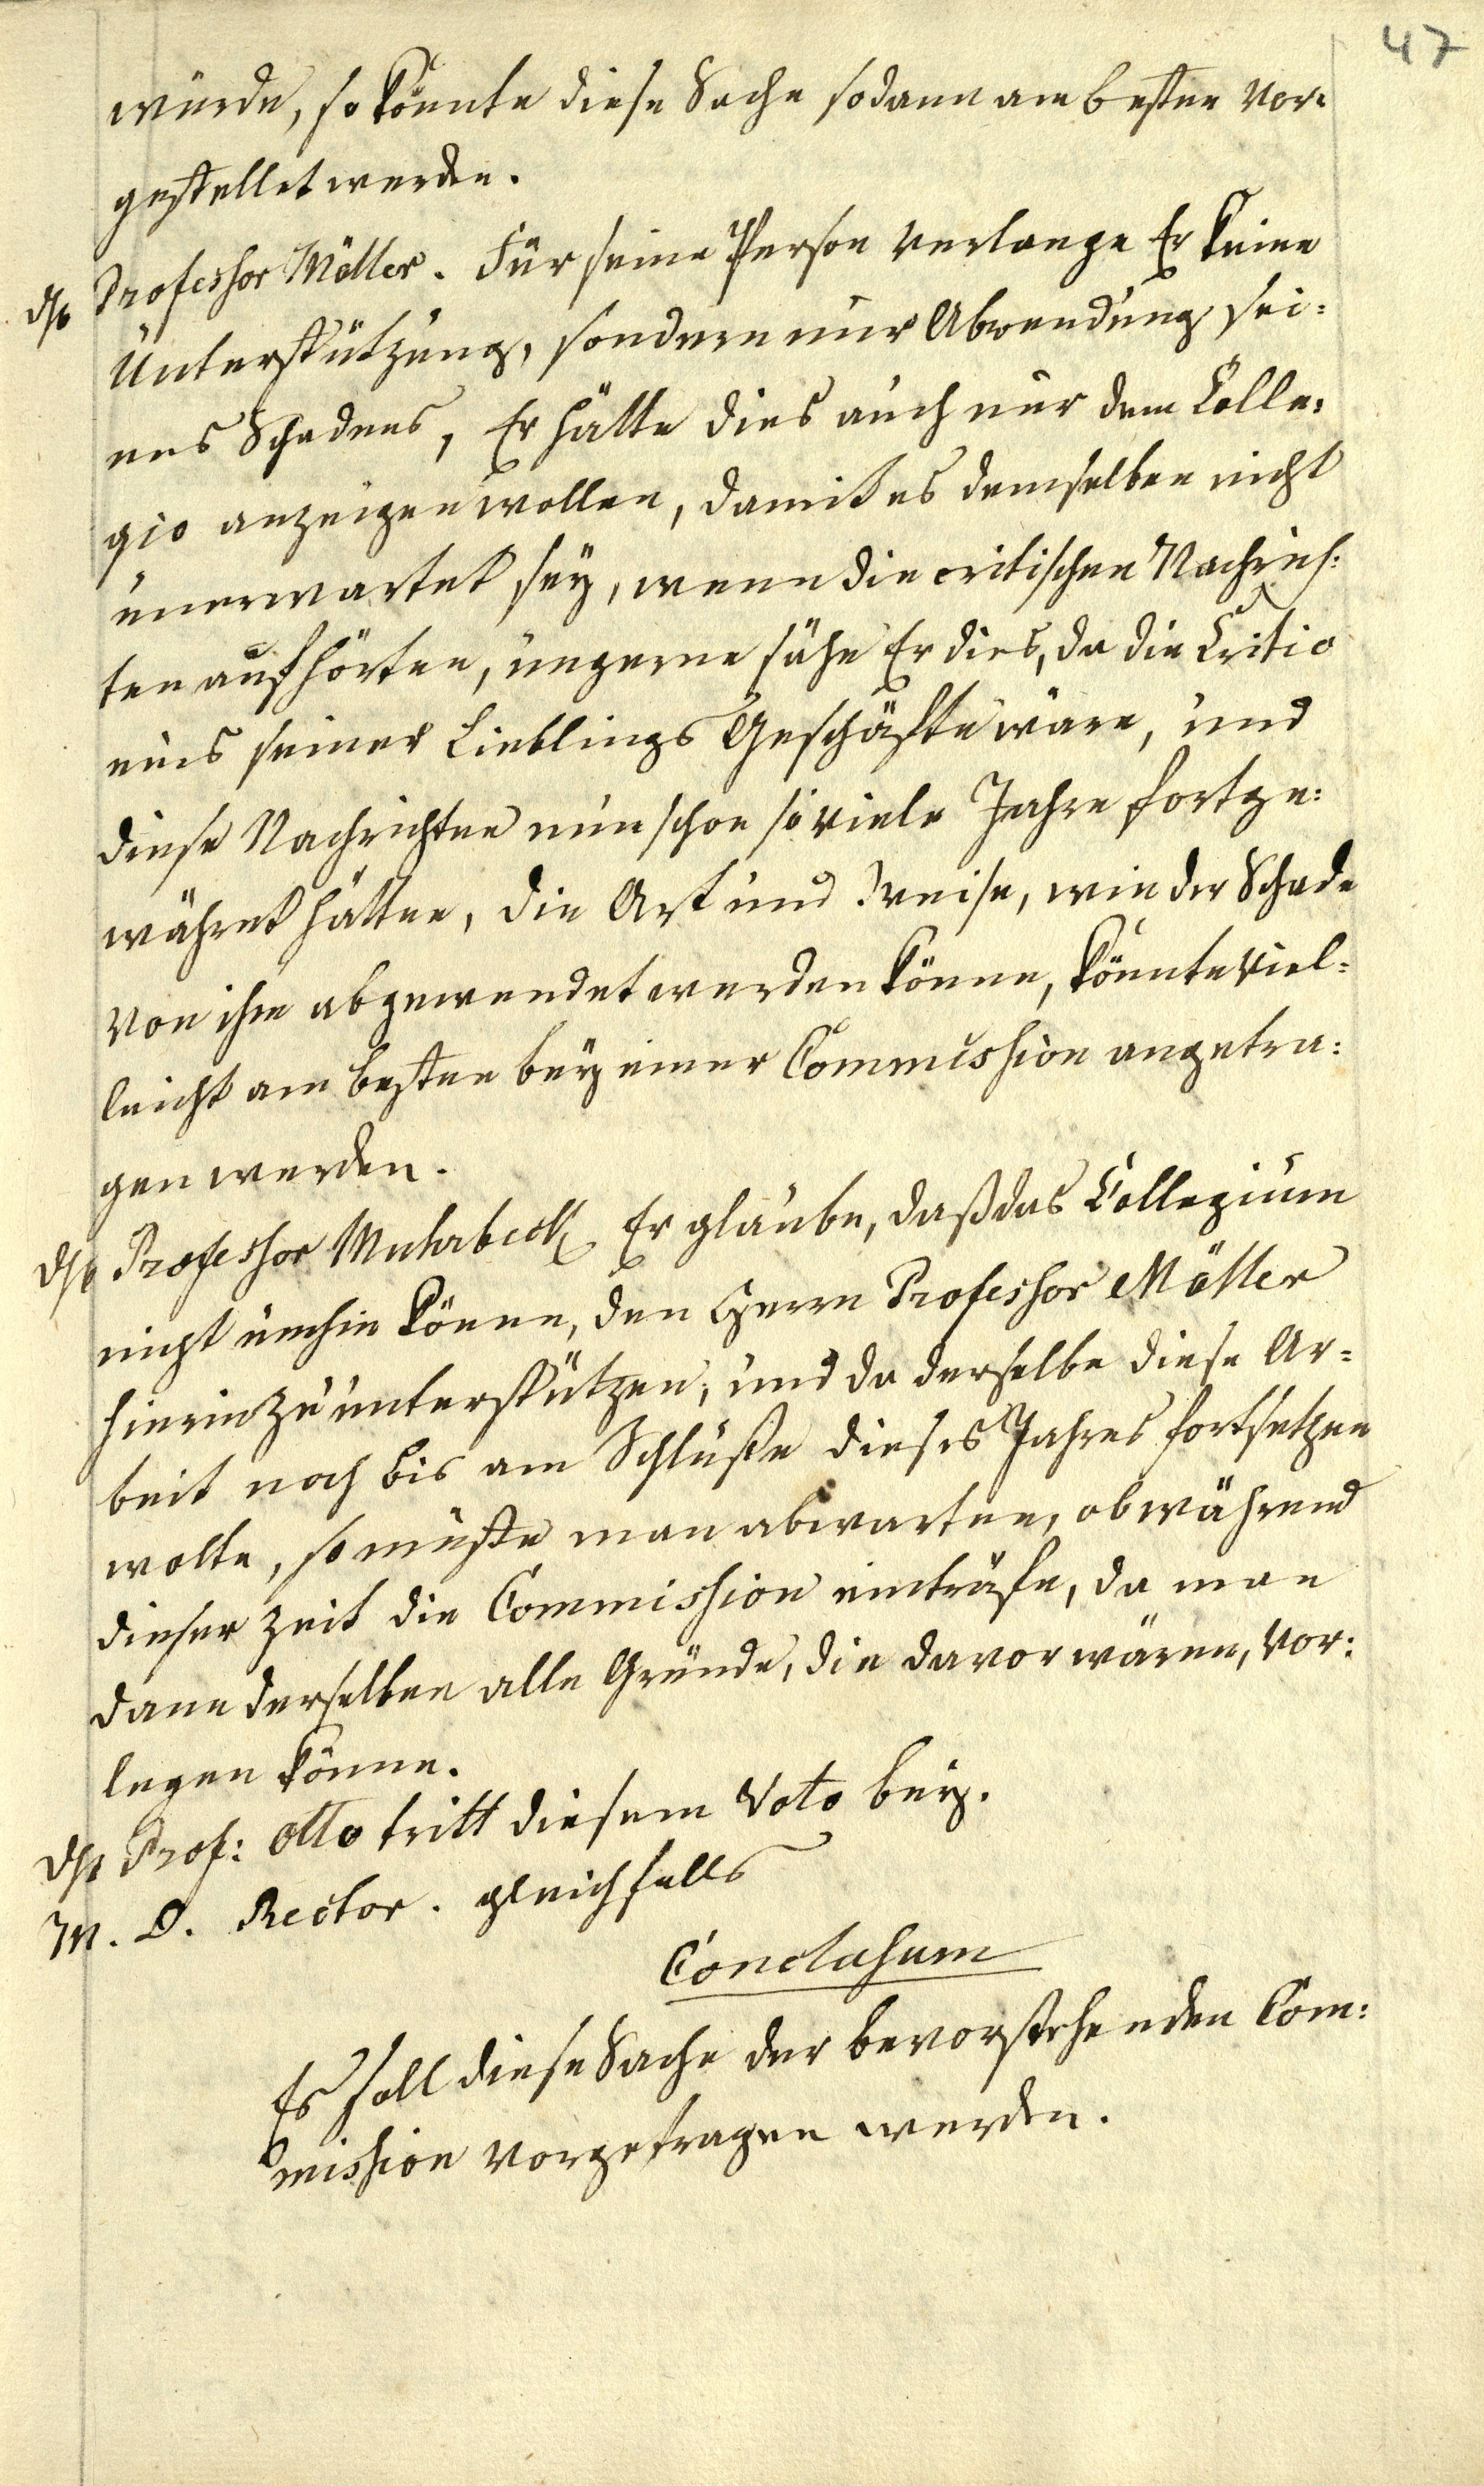würde, so könnte diese Sache sodann am besten vor¬
gestellet werden.
dh Professor Möller. Für seine Person verlange Er keine
Unterstützung, sondern nur Abwendung sei¬
nes Schadens, Er hätte dies auch nur dem Colle¬
gio anzeigen wollen, damit es demselben nicht
unerwartet seÿ, wenn die critischen Nachrich¬
ten aufhörten, ungerne sähe Er dies, da die Critio
eines seiner Lieblings Geschäfte wäre, und
diese Nachrichten nun schon so viele Jahre fortge¬
währet hätten, die Art und Weise, wie der Schade
von ihm abgewendet werden könne, könnte viel¬
leicht am besten beÿ einer Commission angetra¬
gen werden.
dh Professor Muhrbeck. Er glaube, daß das Collegium
nicht umhin könne, den Herrn Professor Möller
hierin zu unterstützen, und da derselbe diese Ar¬
beit noch bis am Schluße dieses Jahres fortsetzen
wolte, so müste man abwarten, ob während
dieser Zeit die Commission einträfe, da man
dann derselben alle Gründe, die davor wären, vor¬
legen könne.
dh. Prof. Otto tritt diesem Voto beÿ.
M. D. Rector gleichfalls
Conclusum
Er soll diese Sache der bevorstehenden Com¬
mission vorgetragen werden.